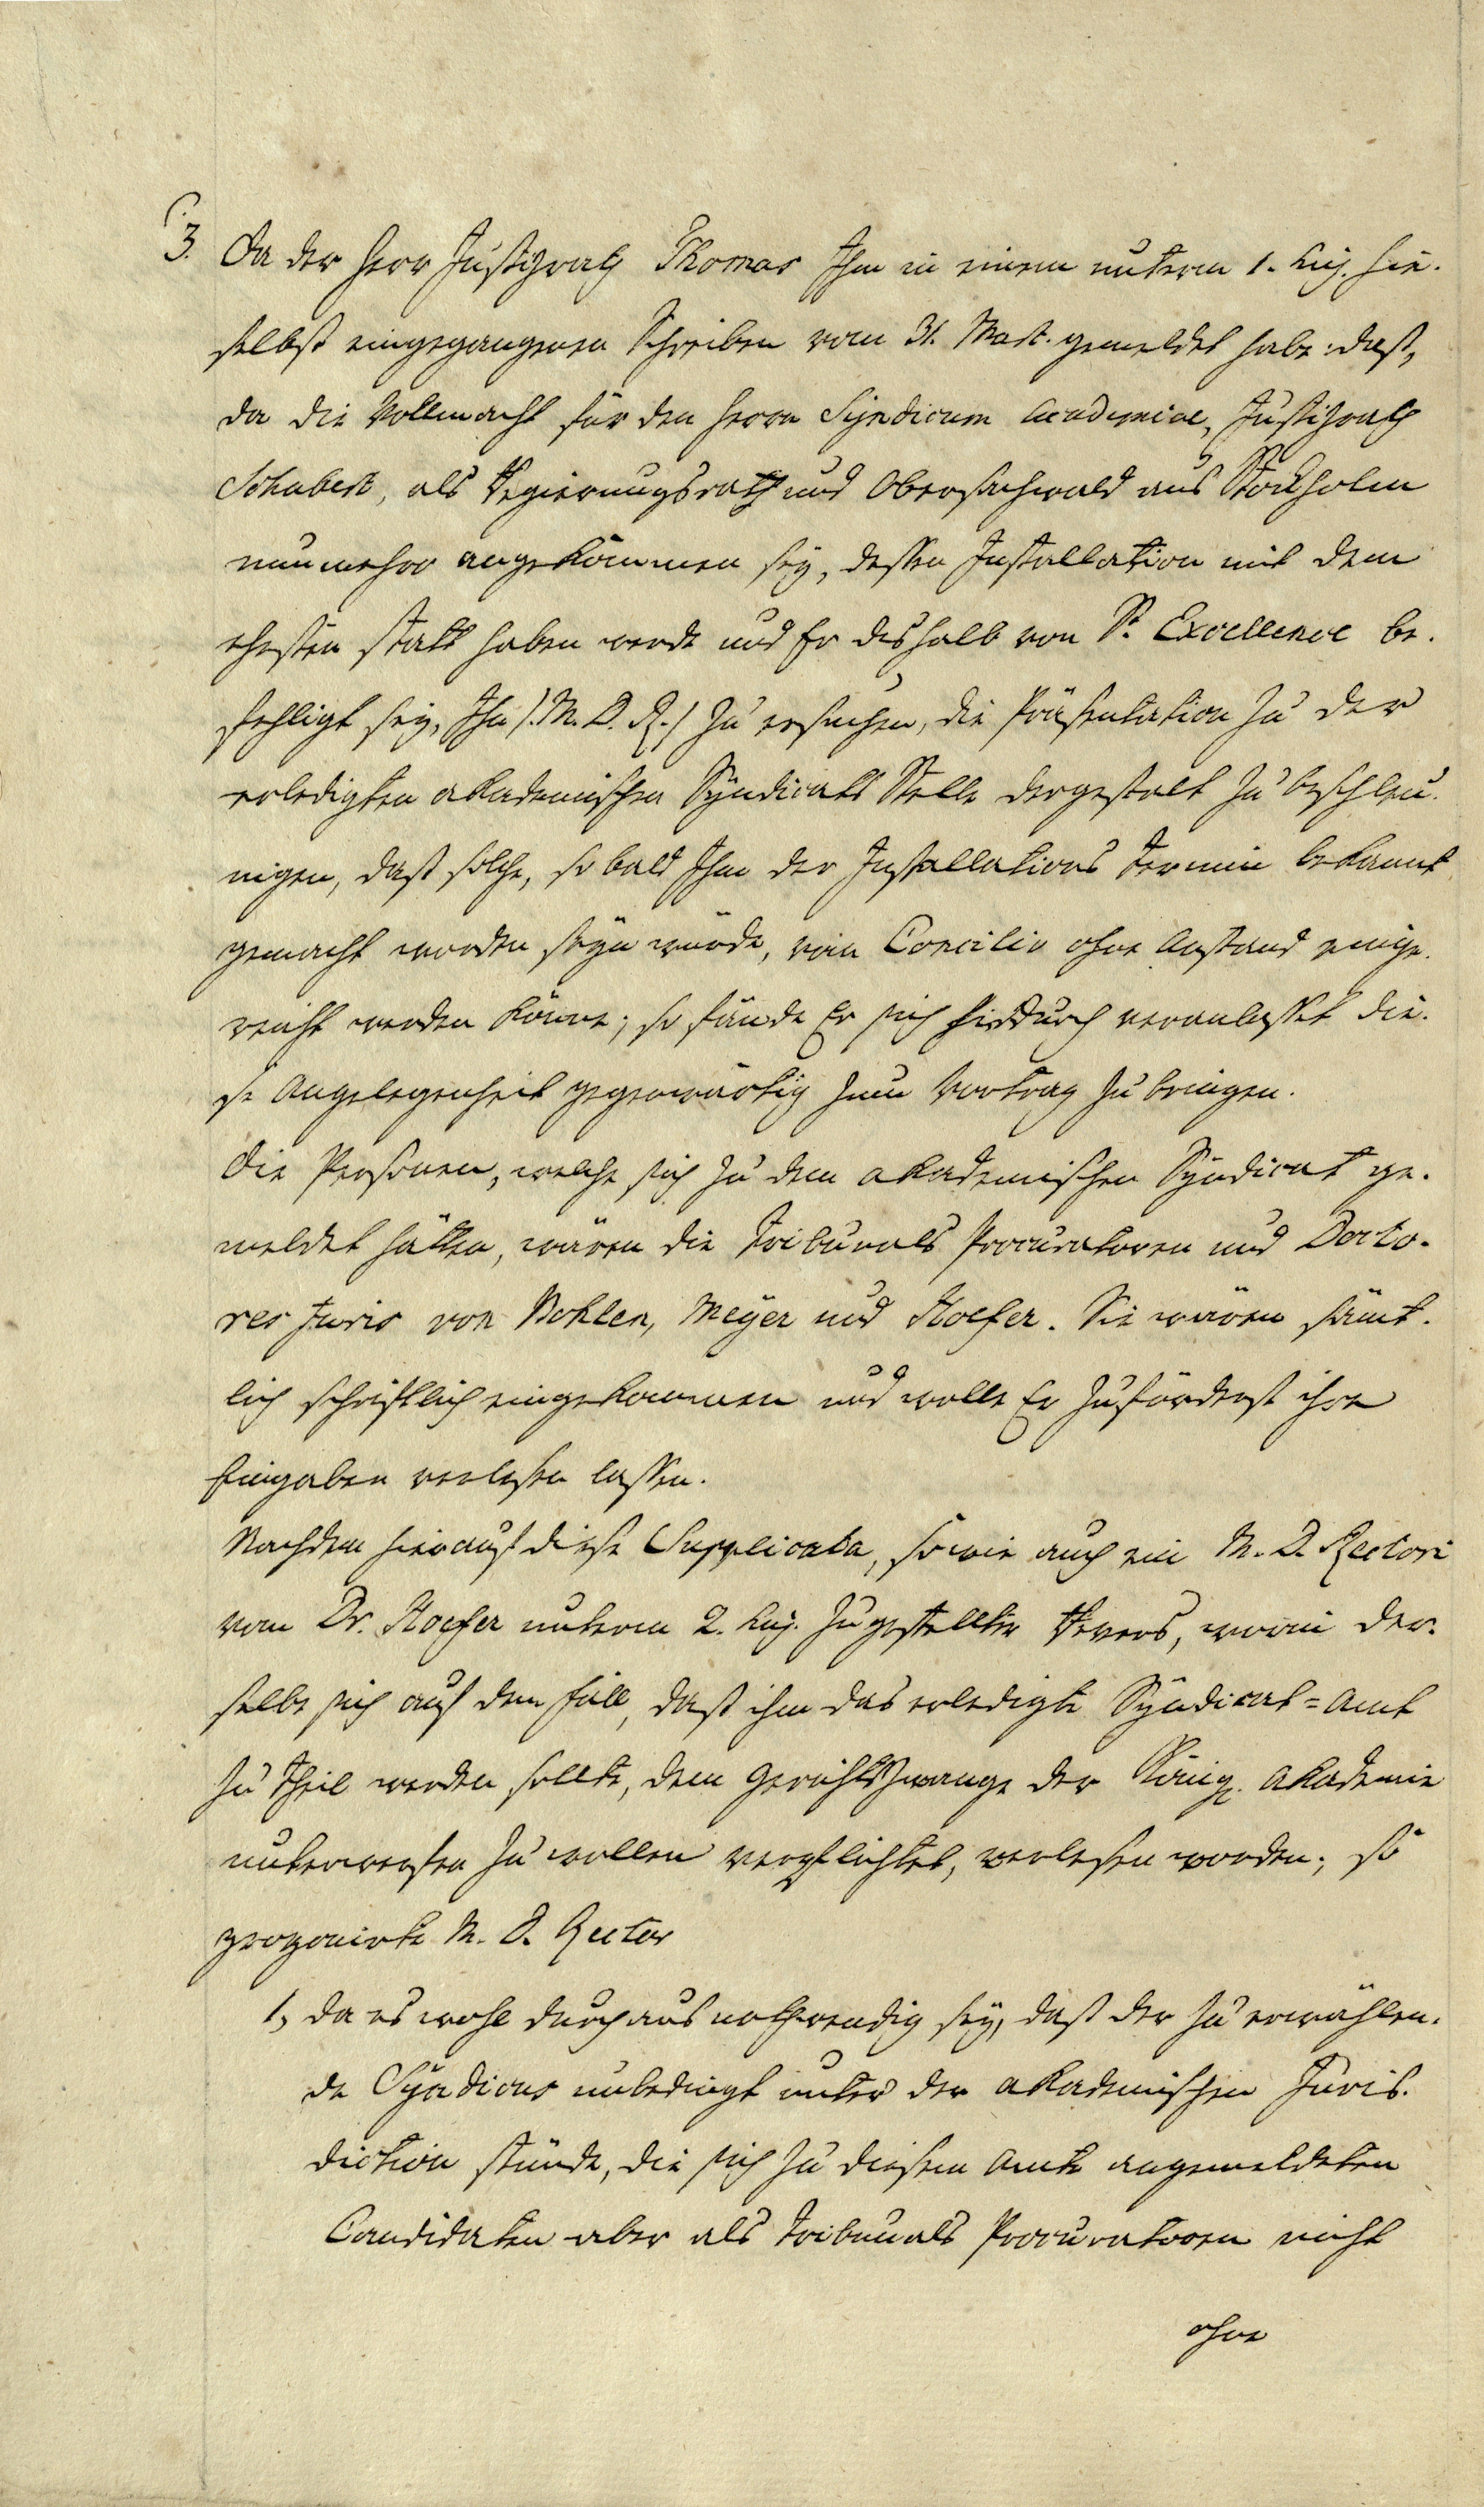3. Da der Herr Justizrath Thomas Ihm in einem unterm 1. huj. hie¬
selbst eingegangenen Schreiben vom 31. Mart. gemeldet habe daß,
da die Vollmacht für den Herrn Sÿndicum Academiae, Justizrath
Schubert, als Regierungsrath und Obersachwald aus Stockholm
nunmehro angekommen seÿ, dessen Installation mit dem
ehesten statt haben werde und Er deshalb von Sr. Excellence be.
fehligt seÿ, Ihn /.M. D. R./ zu ersuchen, die Präsentation zu der
erledigten akademischen Sÿndicats Stelle dergestalt zu beschleu¬
nigen, daß solche, so bald Ihm der Installations Termin bekannt
gemacht worden seÿn würde, vom Concilio ohne Anstand einge¬
reicht werden könne; so fände Er sich hiedurch veranlasset die¬
se Angelegenheit gegenwärtig zum Vortrag zu bringen.
Die Personen, welche sich zu dem akademischen Sÿndicat ge¬
meldet hätten, wären die Tribunals Procuratoren und Docto¬
res Juris von Bohlen, Meÿer und Hoefer. Sie wären sämt¬
lich schriftlich eingekommen und wolle Er zuförderst ihre
Eingaben verlesen lassen.
Nachdem hierauf diese Supplicata, so wie auch ein M. D. Rectori
vom Dr. Hoefer unterm 2. huj. zugestellter Revers, worin der¬
selbe sich auf dem Fall, daß ihm das erledigte Sÿndicat - Amt
zu Theil werden sollte, dem Gerichtszwange der König. Akademie
unterwerfen zu wollen verpflichtet, verlesen worde; so
proponirte M. D. Rector
1., Da es wohl durchaus nothwendig seÿ, daß der zu erwählen¬
de Sÿndicus unbedingt unter der akademischen Juris¬
diction stünde, die sich zu diesem Amte angemeldeten
Candidaten aber als Tribunals Procuratoren nicht
ohne